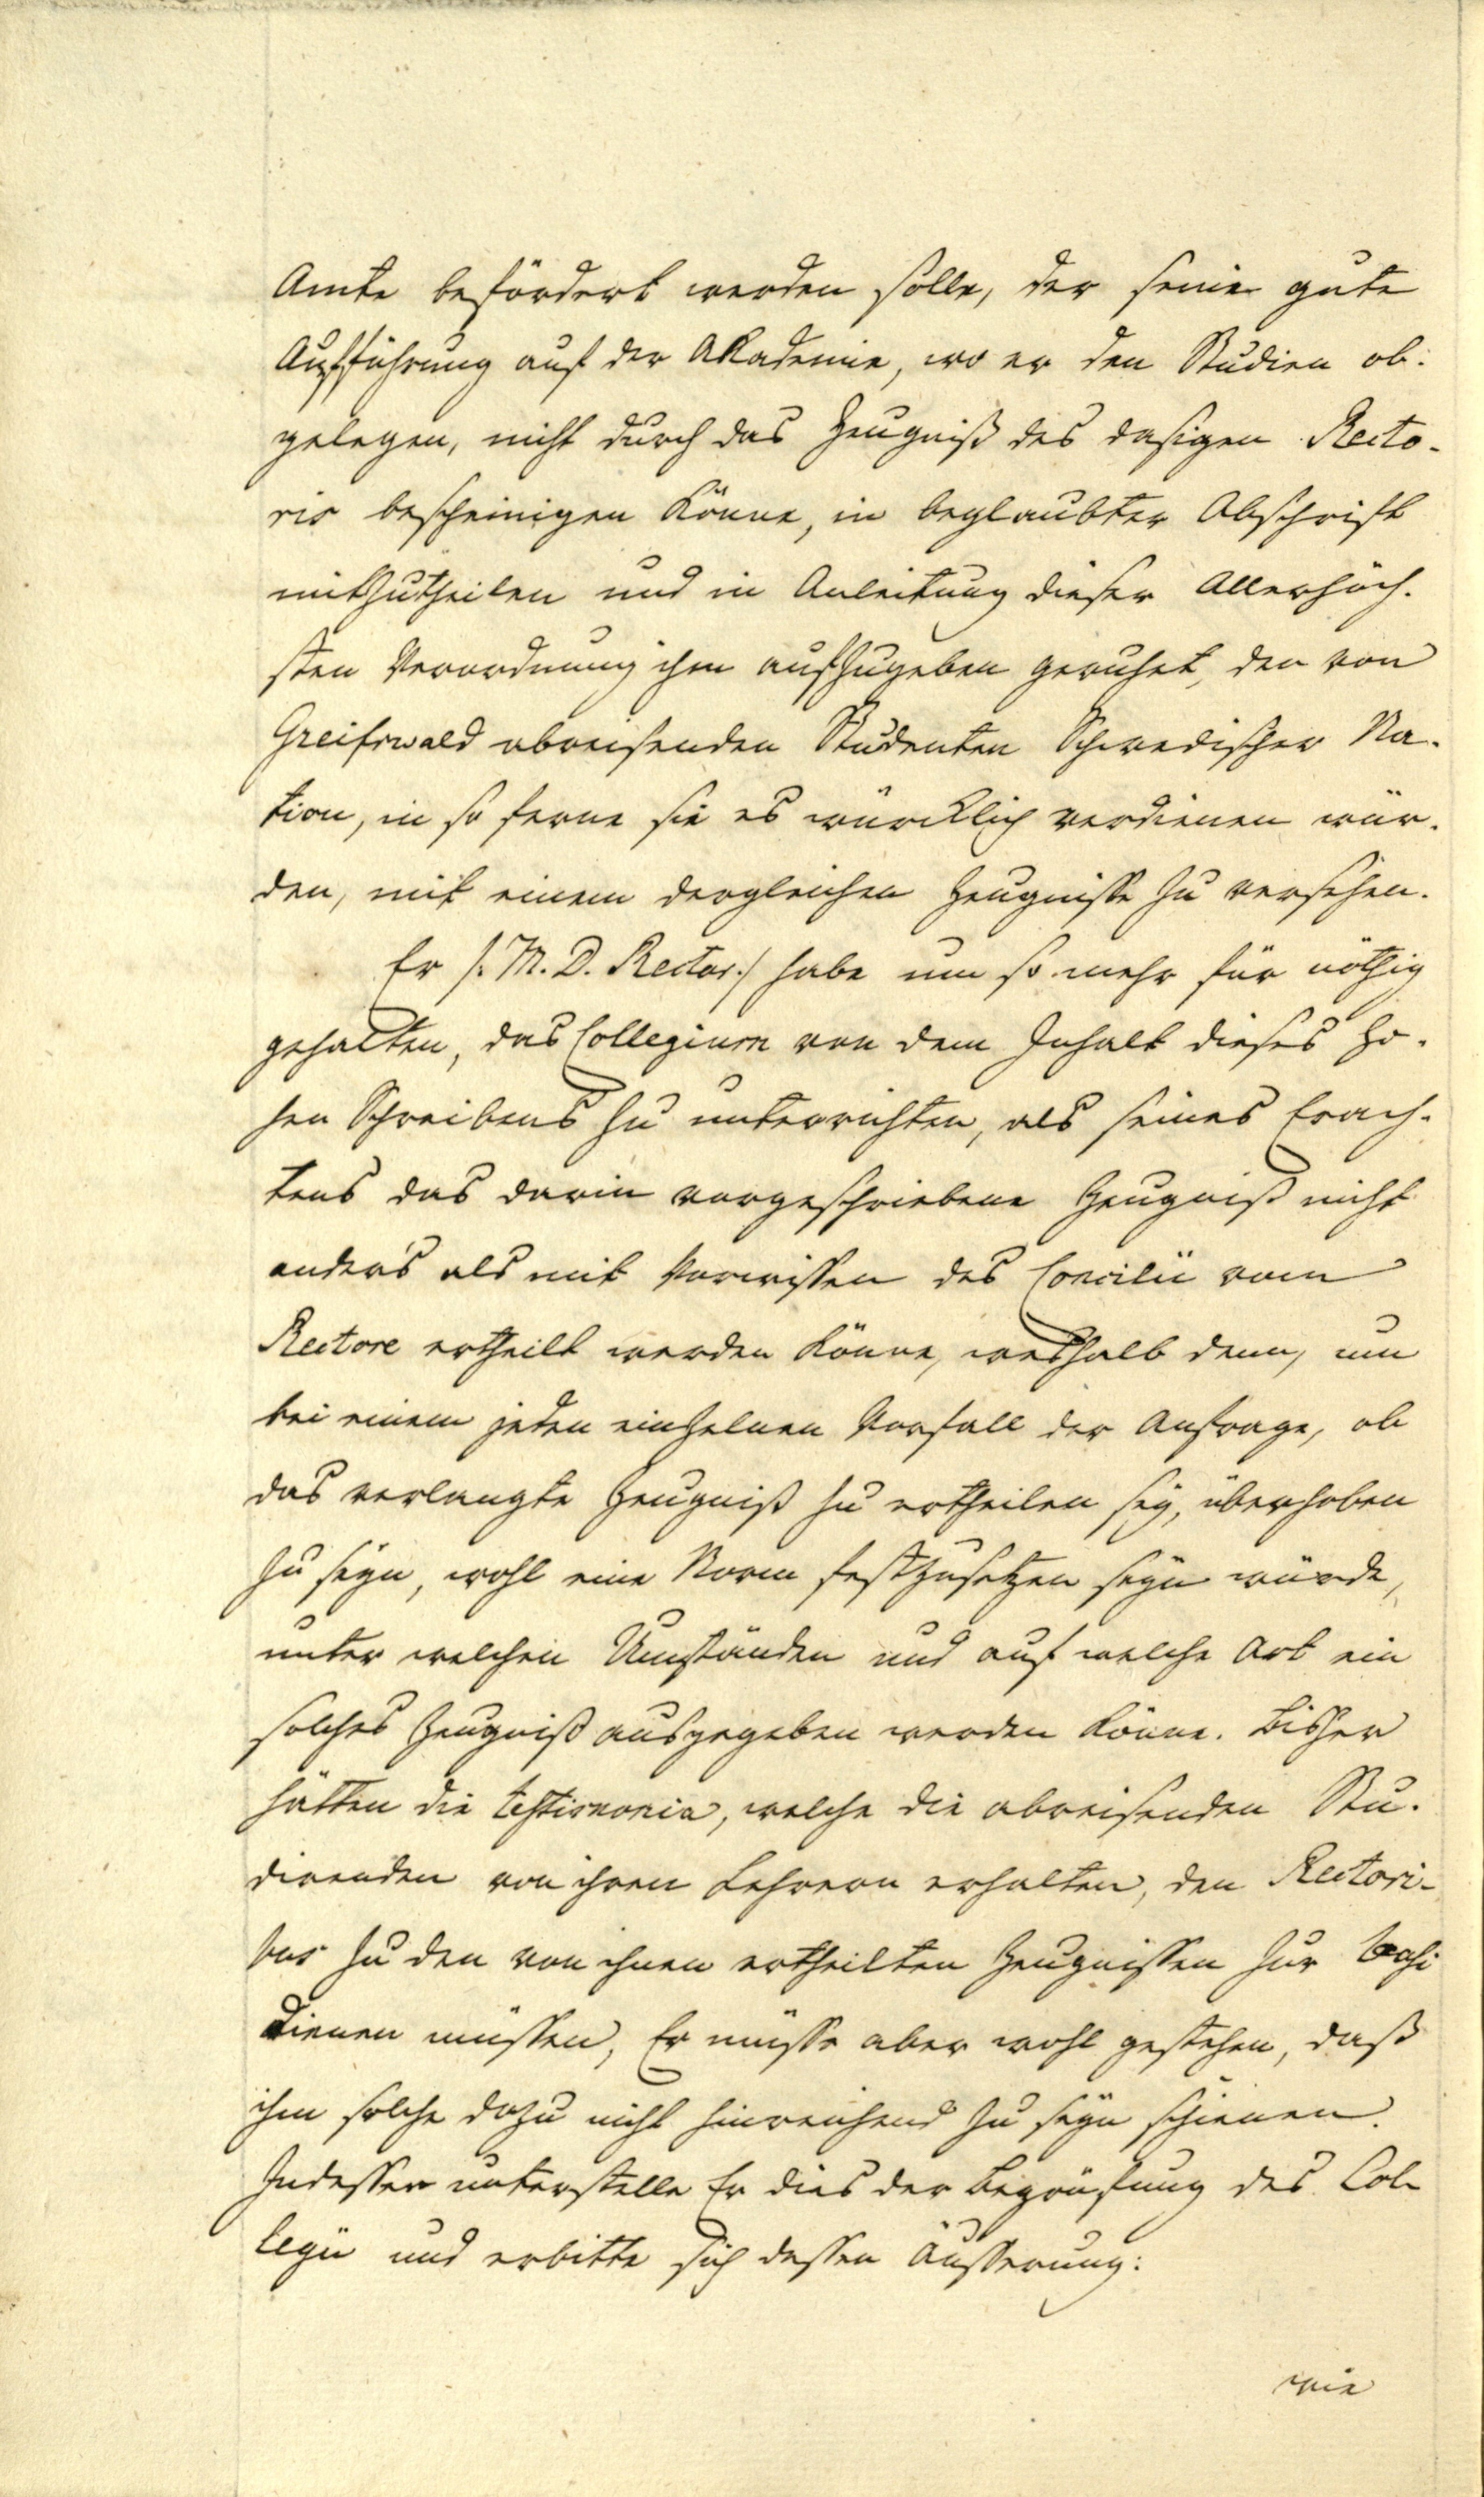Amte befördert werden solle, der seine gute
Aufführung auf der Akademie, wo er den Studien ob¬
gelegen, nicht durch das Zeugniß des dasigen Recto¬
ris bescheinigen könne, in beglaubter Abschrift
mitzutheilen und in Anleitung dieser Allerhöch¬
sten Verordnung ihm aufzugeben geruhet, den von
Greifswald abreisenden Studenten Schwedischer Na¬
tion, in so ferne sie es würcklich verdienen wür¬
den, mit einem dergleichen Zeugnisse zu versehen.
Er /. M. D. Rector ./ habe um so mehr für nöthig
gehalten, das Collegium von dem Inhalt dieses ho¬
hen Schreibens zu unterrichten, als seines Erach¬
tens das darin vorgeschriebene Zeugniß nicht
anders als mit Vorwissen des Concilii vom
Rectore ertheilt werden könne, weshalb denn, um
bei einem jeden einzelnen Vorfall der Anfrage, ob
das verlangte Zeugniß zu ertheilen seÿ, überhoben
zu seÿn, wohl eine Norm festzusetzen seÿn würde,
unter welchen Umständen und auf welche Art ein
solches Zeugniß ausgegeben werden könne. Bisher
hätten die testimonia, welche die abreisenden Stu¬
direnden von ihren Lehrern erhalten, den Rectori¬
bus zu den von ihnen ertheilten Zeugnissen zur basi
dienen müssen, Er müsse aber wohl gestehen, daß
ihm solche dazu nicht hinreichend zu seÿn schienen.
Indessen unterstellte Er dies der Beprüfung des Col¬
legii und erbitte sich dessen Äusserung:
wie